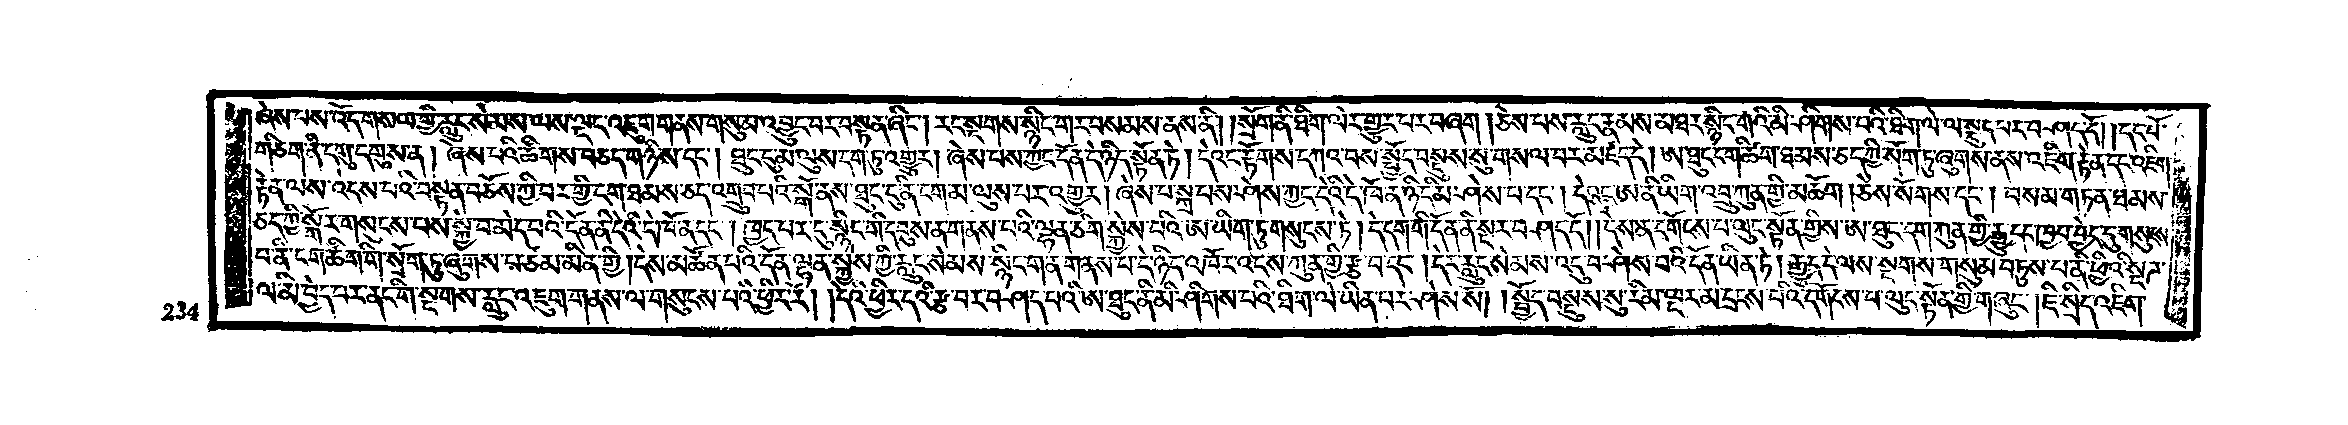ཞེས་པས་འོད་གསལ་གྱི་རླུང་སེམས་ལས་ལྡང་འཇུག་གནས་གསུམ་འབྱུང་བར་བསྟན་ཞིང་། རང་སྔགས་སྙིང་གར་བསམས་ནས་ནི། །སྲོག་ནི་ཐིག་ལེར་གྱུར་པར་བཞག །ཅེས་པས་རླུང་རྣམས་མཐར་སྙིང་གའི་མི་ཤིགས་པའི་ཐིག་ལེ་ལ་སྡུད་པར་བཤད་དོ། །དང་པོ་
གཅིག་ནི་དགུ་དགུས་ན། ཞེས་པའི་ཚིགས་བཅད་གཉིས་དང་། ཐུང་ངུ་མ་ལུས་དག་ཏུ་འགྱུར། ཞེས་པས་ཀྱང་དོན་དེ་ཉིད་སྟོན་ཏེ། དེའང་རྟོགས་དཀའ་བས་སྤྱོད་བསྡུས་སུ་གསལ་བར་མཛད་དེ། ཨ་ཐུང་ངག་ཚིག་ཐམས་ཅད་ཀྱི་སྲོག་ཏུ་ཞུགས་ནས་འཇིག་རྟེན་དང་འཇིག་
རྟེན་ལས་འདས་པའི་བསྟན་བཅོས་ཀྱི་བར་གྱི་དག་ཐམས་ཅད་འགྲུབ་པའི་སྒོ་ནས་ཐུང་ངུ་ནི་ངག་མ་ལུས་པར་འགྱུར། ཞེས་པ་སྐྲ་པས་ཤེས་ཀྱང་དེའི་དེ་ཁོ་ན་ཉིད་མི་ཤེས་པ་དང་། དེའང་ཨ་ནི་ཡིག་འབྲུ་ཀུན་གྱི་མཆོག །ཅེས་སོགས་དང་། བསམ་གཏན་ཐམས་
ཅད་ཀྱི་སྒོར་གསུངས་པས་སྐྱེ་བ་མེད་པའི་དོན་ནི་དེའི་དེ་ཁོ་ན་དང་། ཁྱད་པར་དུ་སྙིང་གི་དབུས་ན་གནས་པའི་ལྷན་ཅིག་སྐྱེས་པའི་ཨ་ཡིག་ཏུ་གསུངས་ཏེ། དེ་དག་གི་དོན་ནི་སྔར་བཤད་དོ། །དེས་ན་དགོངས་པ་ལུང་སྟོན་གྱིས་ཨ་ཐུང་དག་ཀུན་གྱི་རྒྱུ་དང་ཁྱབ་བྱེད་དུ་གསུངས་
པ་ནི་ངག་ཚིག་གི་སྲོག་ཏུ་ཞུགས་པ་ཙམ་མིན་གྱི། དེས་མཚོན་པའི་དོན་ལྷན་སྐྱེས་ཀྱི་རླུང་སེམས་སྙིང་ག་ན་གནས་པ་དེ་ཉིད་འཁོར་འདས་ཀུན་གྱི་རྩ་བ་དང་། དེར་རླུང་སེམས་འདུ་བ་ཤེས་པའི་དོན་ཡིན་ཏེ། རྒྱུད་དེ་ལས་སྔགས་གསུམ་བཏུས་པ་ནི་ཕྱིའི་སྔགས་
ལ་མི་བྱེད་པར་ནང་གི་སྔགས་རླུང་འཇུག་གནས་ལ་གསུངས་པའི་ཕྱིར་རོ། །དེའི་ཕྱིར་དེའི་རྩ་བར་བཤད་པའི་ཨ་ཐུང་ནི་མི་ཤིགས་པའི་ཐིག་ལེ་ཡིན་པར་ཤེས་སོ། །སྤྱོད་བསྡུས་སུ་རིམ་ལྔར་མ་དྲངས་པའི་དགོངས་པ་ལུང་སྟོན་གྱི་གཞུང་། ཇི་སྲིད་འཇིག་